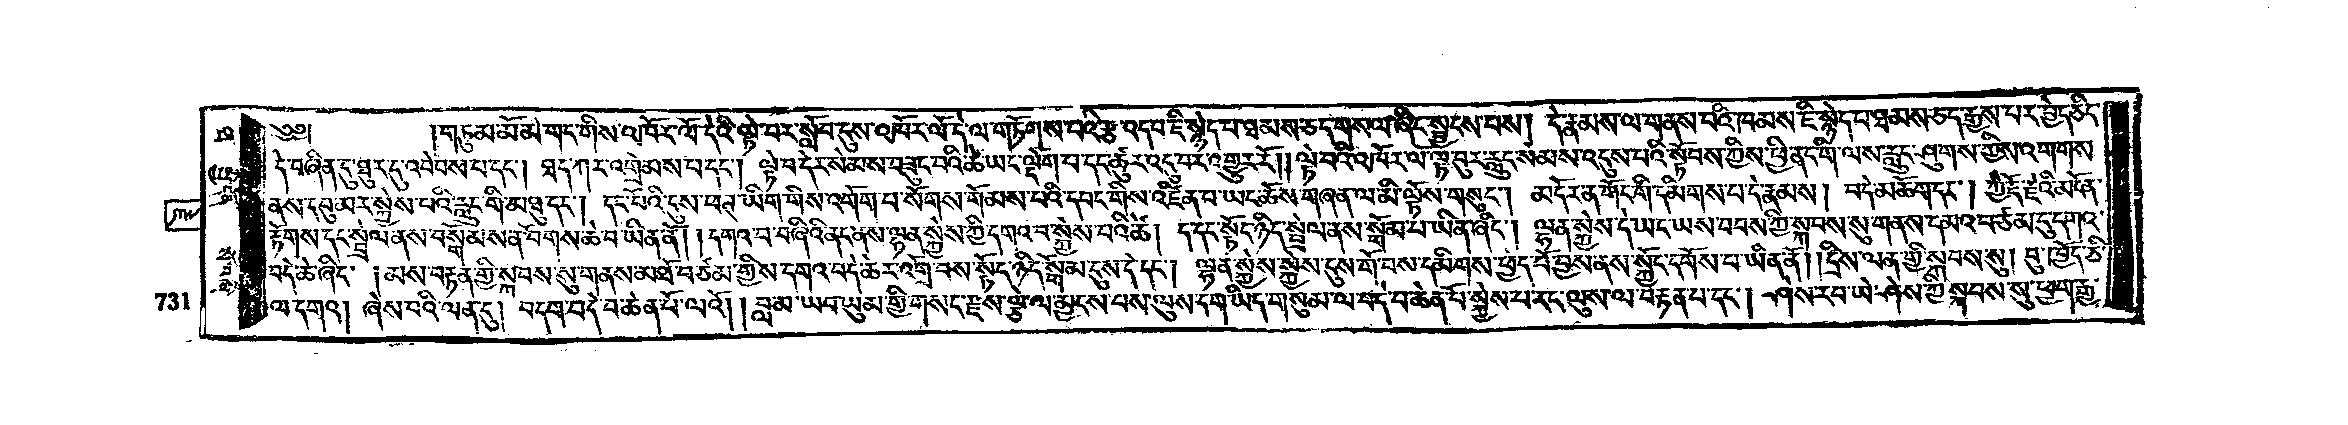༄༅། །གཏུམ་མོ་མེ་གང་གིས་འཁོར་ལོ་དེའི་ལྟེ་བར་སླབ་དུས་འཁོར་ལོ་དེ་ལ་གཏོགས་པའི་རྩ་འདབ་ཇི་སྙེད་པ་ཐམས་ཅད་གསལ་ཞིང་སྦྱངས་པས། དེ་རྣམས་ལ་གནས་པའི་ཁམས་ཇི་སྙེད་པ་ཐམས་ཅད་རྒྱས་པར་བྱེད་ཅིང་
དེ་བཞིན་དུ་ཐུར་དུ་འབབས་པ་དང་། ཐད་ཀར་འགྲེམས་པ་དང་། ལྟེ་བ་དེར་སེམས་བཟུང་བའི་ཚེ་ཡང་ལྡོག་པ་དང་ཚུར་འདུ་བར་འགྱུར་རོ། །ལྟེ་བའི་འཁོར་ལོ་ལྟ་བུར་རླུང་སེམས་འདུས་པའི་སྟོབས་ཀྱིས་ཕྱི་ནང་གི་ལས་རླུང་ཤུགས་ཀྱིས་འགགས་
ནས་དབུ་མར་སྐྱེས་པའི་རླུང་གི་མཐུ་དང་། དང་པོའི་དུས་ཕཊ་ཡིག་གིས་འགོག་པ་སོགས་གོམས་པའི་དབང་གིས་འཛིན་པ་ཡང་ཆོས་གཞན་ལ་མི་ལྟོས་གསུང་། མདོར་ན་གོང་གི་དམིགས་པ་དེ་རྣམས། བདེ་མཆོག་དང་། ཀྱཻ་རྡོ་རྗེའི་མངོན་
རྟོགས་དང་སྦྲེལ་ནས་བསྒོམས་ན་བགས་ཆེ་བ་ཡིན་ནོ། །དགའ་བ་བཞིའི་ནང་ནས་ལྷན་སྐྱེས་ཀྱི་དགའ་བ་སྐྱེས་པའི་ཚེ། ད་དང་སྟོང་ཉིད་བྲེལ་ནས་སྒོམ་པ་ཡིན་ཞིང་། ལྷན་སྐྱེས་དེ་ཡང་ཡས་བབས་ཀྱི་སྐབས་སུ་གནས་དམའ་བ་ཙམ་དུ་དགའ་
བདེ་ཆེ་ཞིང་།མས་བརྟན་གྱི་སྐབས་སུ་གནས་མཐོ་བ་ཙམ་གྱིས་དགའ་བདེ་ཆེར་འགྲོ་བས་སྟོང་ཉིད་སྒོམ་དུས་དེ་དང་། ལྷན་སྐྱེས་སྐྱེས་དུས་གོ་བས་དམིགས་ཕྱེད་པོ་བྱས་ནས་སྐྱོང་དགོས་པ་ཡིན་ནོ། །དྲིས་ལན་གྱི་སྐབས་སུ། བུ་ཁྱོད་ཅི་
ལ་དགའ། ཞེས་པའི་ལན་དུ། བདག་བདེ་བ་ཆེན་པོ་ལའོ། །བླ་མ་ཡབ་ཡུམ་གྱི་གསང་རྫས་ལྕེ་ལ་མྱངས་པས་ལུས་ངག་ཡིད་གསུམ་ལ་བདེ་བ་ཆེན་པོ་སྐྱེས་པ་རང་ལུས་ལ་བརྟན་པ་དང་། ཤེས་རབ་ཡེ་ཤེས་ཀྱི་སྐབས་སུ་ཕྱག་རྒྱ་